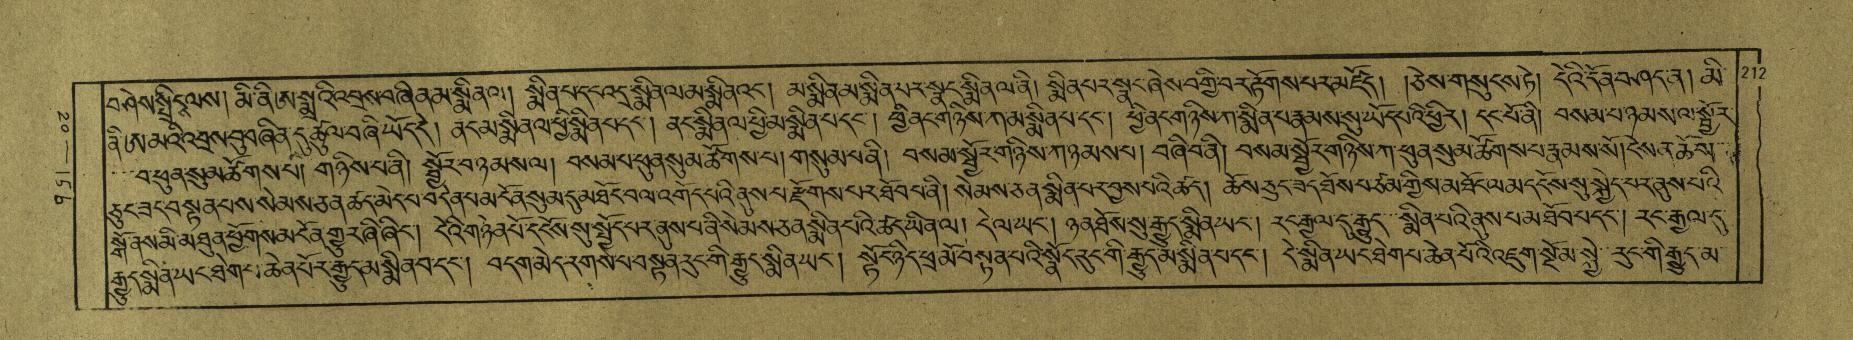བཤེས་སྤྲིངས་ལས། མི་ནི་ཨ་སྨྲའི་འབྲས་བཞིན་མ་སྨིན་ལ། སྨིན་པ་དང་འདྲ་སྨིན་ལ་མ་སྨིན་འང་། མ་སྨིན་མ་སྨིན་པར་སྣང་སྨིན་ལ་ནི། སྨིན་པར་སྣང་ཞེས་བགྱི་བར་རྟོགས་པར་མཛོད། །ཅེས་གསུངས་ཏེ། དེའི་དོན་བཤད་ན། མི་
ནི་ཨ་མའི་འབྲས་བུ་བཞིན་དུ་ཚུལ་བཞི་ཡོད་དེ། ནང་མ་སྨིན་ལ་ཕྱི་སྨིན་པ་དང་། ནང་སྨིན་ལ་ཕྱི་མ་སྨིན་པ་དང་། ཕྱི་ནང་གཉིས་ཀ་མ་སྨིན་པ་དང་། ཕྱི་ནང་གཉིས་ཀ་སྨིན་པ་རྣམས་སུ་ཡོད་པའི་ཕྱིར། དང་པོ་ནི། བསམ་པ་ཉམས་ལ་སྦྱོར་
བ་ཕུན་སུམ་ཚོགས་པ། གཉིས་པ་ནི། སྦྱོར་བ་ཉམས་ལ། བསམ་པ་ཕུན་སུམ་ཚོགས་པ། གསུམ་པ་ནི། བསམ་སྦྱོར་གཉིས་ཀ་ཉམས་པ། བཞི་བ་ནི། བསམ་སྦྱོར་གཉིས་ཀ་ཕུན་སུམ་ཚོགས་པ་རྣམས་སོ། དེས་ན་ཆོས་
ཅུང་ཟད་བསྟན་པས་སེམས་ཅན་ཚད་མེད་པ་བདེན་པ་མངོན་སུམ་དུ་མཐོང་བ་ལ་འགོད་པའི་ནུས་པ་རྫོགས་པར་ཐོབ་པ་ནི། སེམས་ཅན་སྨིན་པར་བྱས་པའི་ཚད། ཆོས་ཅུང་ཟད་ཐོས་པ་ཙམ་གྱིས་མཐོང་ལམ་དངོས་སུ་སྐྱེད་པར་ནུས་པའི་
སྒོ་ནས་མི་མཐུན་ཕྱོགས་མངོན་གྱུར་ཞི་ཞིང་། དེའི་གཉེན་པོ་དངོས་སུ་སྤྱོད་པར་ནུས་པ་ནི་སེམས་ཅན་སྨིན་པའི་ཚད་ཡིན་ལ། དེ་ལ་ཡང་། ཉན་ཐོས་སུ་རྒྱུད་སྨིན་ཡང་། རང་རྒྱལ་དུ་རྒྱུད་སྨིན་པའི་ནུས་པ་མ་ཐོབ་པ་དང་། རང་རྒྱལ་དུ་
རྒྱུད་སྨིན་ཡང་ཐེག་པ་ཆེན་པོར་རྒྱུད་མ་སྨིན་བ་དང་། བདག་མེད་རགས་པ་བསྟན་རུང་གི་རྒྱུད་སྨིན་ཡང་། སྟོང་ཉིད་ཕྲ་མོ་བསྟན་པའི་སྣོད་རུང་གི་རྒྱུད་མ་སྨིན་པ་དང་། དེ་སྨིན་ཡང་ཐེག་པ་ཆེན་པོའི་འཇུག་སྔོ་མ་སྐྱེ་རུང་གི་རྒྱུད་མ་